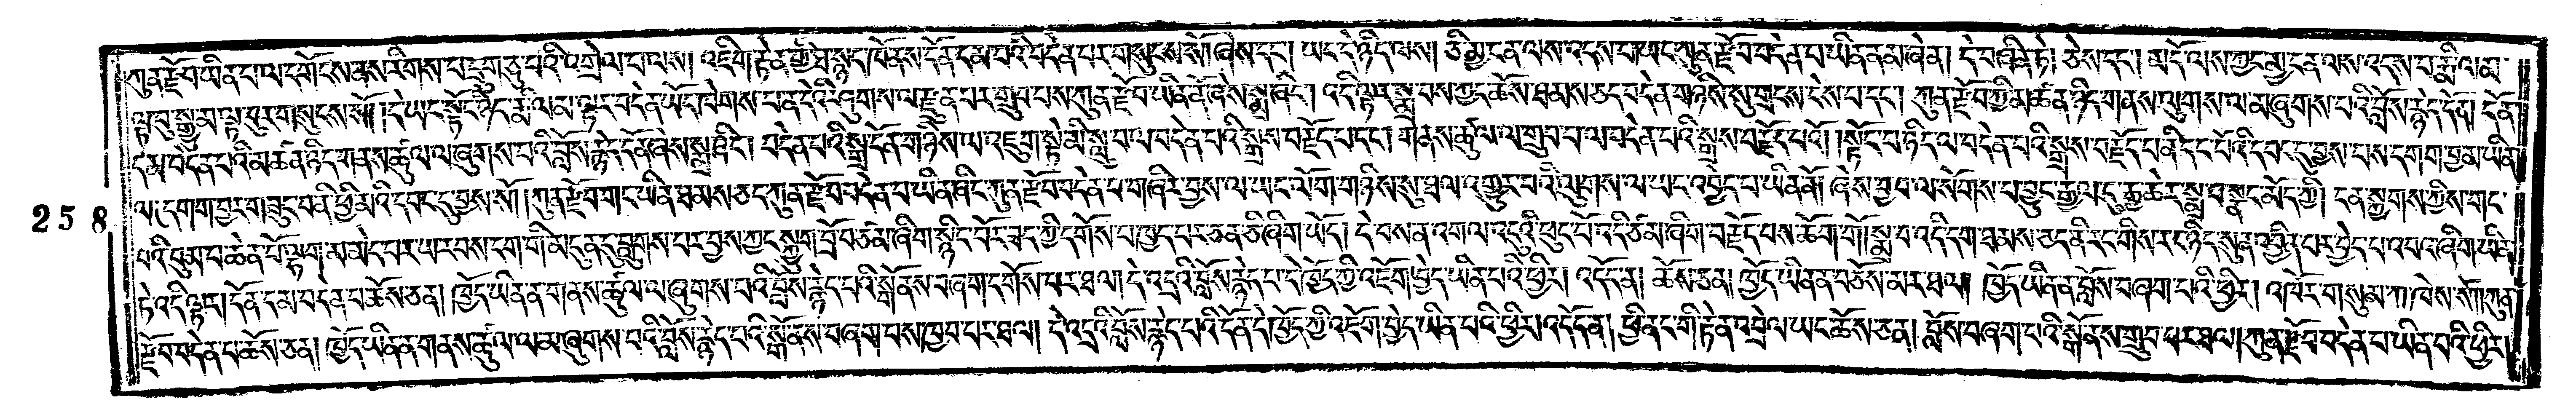ཀུན་རྫོབ་ཡིན་པ་ལ་དགོངས་ནས་རིགས་པ་དྲུག་ཅུ་པའི་འགྲེལ་པ་ལས། འཇིག་རྟེན་གྱི་ཐ་སྙད་ཁོ་ནས་དོན་དམ་པའི་བདེན་བར་གསུངས་སོ། ཞེས་དང་། ཡང་དེ་ཉིད་ལས། ཅི་མྱ་ངན་ལས་འདས་བ་ཡང་ཀུན་རྫོབ་བདེན་བ་ཡིན་ནམ་ཞེ་ན། དེ་བཞིན་ཏེ། ཅེས་དང་། མདོ་ལས་ཀྱང་མྱ་ངན་ལས་འདས་པ་རྨི་ལམ་
ལྟ་བུ་སྒྱུ་མ་ལྟ་བུར་གསུངས་སོ། །དེ་ཡང་སྟོང་ཉིད་རྨི་ལམ་ལྟར་བདེན་ཡོད་ཁེགས་པ་ན་དེའི་ཤུགས་ལ་རྫུན་པར་གྲུབ་པས་ཀུན་རྫོབ་ཡིན་ནོ་ཞེས་སྨྲ་ཞིང་། འདི་ལྟར་སྨྲ་བས་ཀྱང་ཆོས་ཐམས་ཅད་བདེན་གཉིས་སུ་གྲངས་ངེས་པ་དང་། ཀུན་རྫོབ་ཀྱི་མཚན་ཉིད་གནས་ལུགས་ལ་མ་ཞུགས་པའི་བློས་རྙེད་དོན། དོན་
དམ་བདེན་པའི་མཚན་ཉིད་གནས་ཚུལ་ལ་ཞུགས་པའི་བློས་རྙེད་དོན་ཞེས་སྨྲ་ཞིང་། བདེན་པའི་སྒྲ་དོན་གཉིས་ལ་འཇུག་སྟེ་མི་སླུ་བ་ལ་བདེན་བའི་སྒྲས་བརྗོད་པ་དང་?། གནས་ཚུལ་ལ་གྲུབ་བ་ལ་བདེན་པའི་སྒྲས་བརྗོད་པའོ། །སྟོང་པ་ཉིད་ལ་བདེན་པའི་སྒྲས་བརྗོད་བ་ནི་དང་པོའི་དབང་དུ་བྱས་པས་དགག་བྱ་མ་ཡིན་
ལ༑ དགག་བྱང་གཟུང་བ་ནི་ཕྱི་མའི་དབང་དུ་བྱས་སོ། །ཀུན་རྫོབ་གང་ཡིན་ཐམས་ཅད་ཀུན་རྫོབ་བདེན་པ་ཡིན་ཞིང་ཀུན་རྫོབ་བདེན་པ་གཞིར་བྱས་ལ་ཡང་ལོག་གཉིས་སུ་ཐལ་འགྱུར་བའི་ལུགས་ལ་ཡང་འབྱེད་པ་ཡིན་ནོ། ཞེས་བྱ་བ་ལ་སོགས་པ་བྱུང་རྒྱལ་དུ་རྒྱ་ཆེར་སྨྲ་བ་སྣང་མོད་ཀྱི། ངན་སྐྱགས་ཀྱིས་གང་
བའི་བུམ་པ་ཆེན་པོ་ལྷག་མ་མེད་པར་ཡ་རབས་དག་གི་མདུན་དུ་བླུགས་པར་བྱས་ཀྱང་སྐྱུག་བྲོ་བ་ཙམ་ཞིག་སྙིང་པོར་ཟད་ཀྱི་དགོས་པ་ཁྱད་པར་ཅན་ཅི་ཞིག་ཡོད། དེ་བས་ན་འགལ་འདུའི་ཕུང་པོ་འདི་ཙམ་ཞིག་བརྗོད་པས་ཆོག་གོ། སྨྲ་བ་འདི་དག་ཐམས་ཅད་ནི་རང་གིས་རང་ཉིད་སུན་འབྱིན་པར་བྱེད་པ་འབའ་ཞིག་ཡིན་
ཏེ་འདི་ལྟར། དོན་དམ་བདེན་པ་ཆོས་ཅན། ཁྱེད་ཡིན་ན་གནས་ཚུལ་ལ་ཞུགས་པའི་བློས་རྙེད་པའི་སྒོ་ནས་བཞག་དགོས་པར་ཐལ། དེ་འདྲའི་བློས་རྙེད་པ་དེ་ཁྱོད་ཀྱི་འཇོག་བྱེད་ཡིན་པའི་ཕྱིར། འདོད་ན། ཆོས་ཅན། ཁྱོད་ཡིན་ན་བཅོས་མར་ཐལ། ཁྱོད་ཡིན་ན་བློས་བཞག་པའི་ཕྱིར། འཁོར་གསུམ་ཀ་ཁེས་སོ། །ཀུན་
རྫོབ་བདེན་པ་ཆོས་ཅན། ཁྱོད་ཡིན་ན་གནས་ཚུལ་ལམ་ཞུགས་པའི་བློས་རྙེད་བའི་སྒོ་ནས་བཞག་བས་ཁྱབ་པར་ཐལ། དེ་འདྲའི་བློས་རྙེད་པའི་དོན་དེ་ཁྱོད་ཀྱི་འཇོག་བྱེད་ཡིན་པའི་ཕྱིར། འདོད་ན། ཕྱི་ནང་གི་རྟེན་འབྲེལ་ཡང་ཆོས་ཅན། བློས་བཞག་པའི་སྒོ་ནས་གྲུབ་པར་ཐལ། ཀུན་རྫོབ་བདེན་བ་ཡིན་བའི་ཕྱིར།